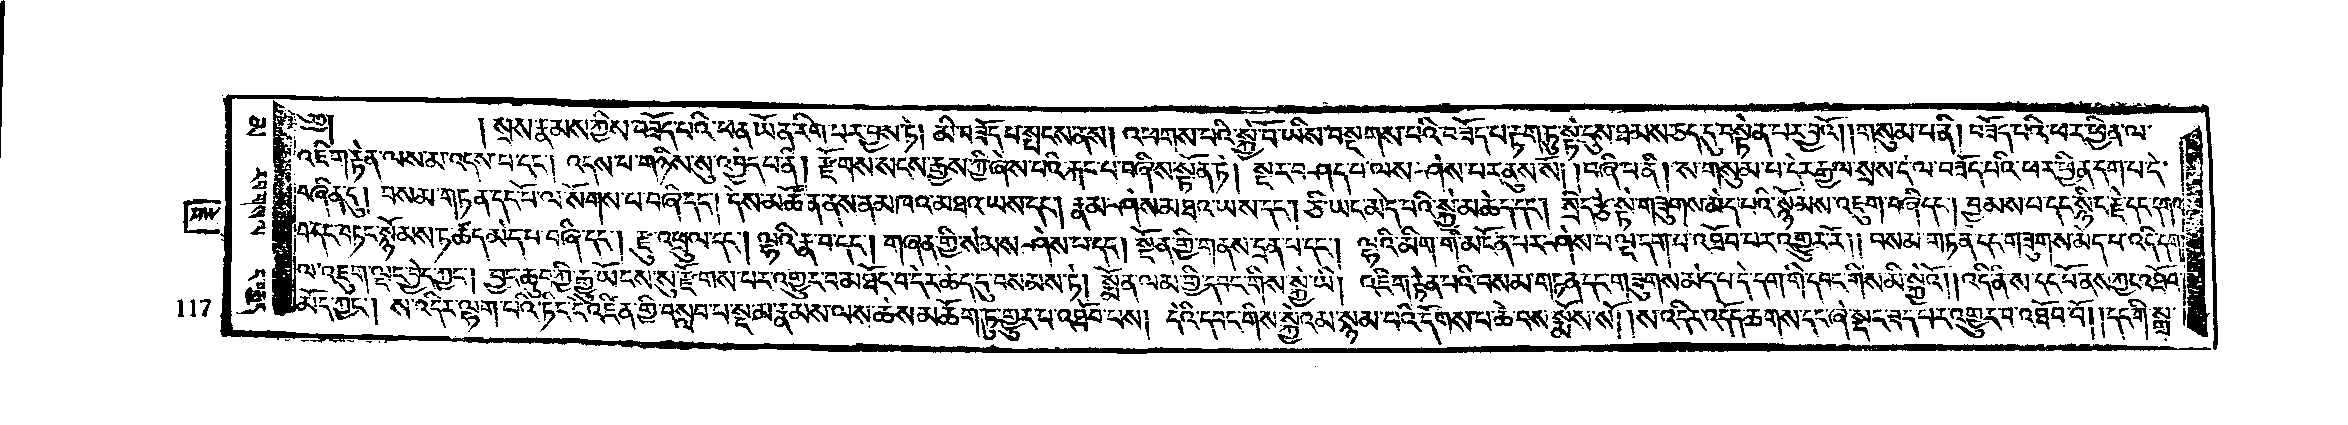༄༅། །སྲས་རྣམས་ཀྱིས་བཟོད་པའི་ཕན་ཡོན་རིག་པར་བྱས་ཏེ། མི་བཟོད་པ་སྤངས་ནས། འཕགས་པའི་སྐྱེ་བོ་ཡིས་བསྔགས་པའི་བཟོད་པ་རྟག་ཏུ་སྟེ་དུས་ཐམས་ཅད་དུ་བསྟེན་པར་བྱའོ། །གསུམ་པ་ནི། བཟོད་པའི་ཕར་ཕྱིན་ལ་
འཇིག་རྟེན་ལས་མ་འདས་པ་དང་། འདས་པ་གཉིས་སུ་འབྱེད་པ་ནི། རྫོགས་སངས་རྒྱས་ཀྱི་ཞེས་པའི་རྐང་པ་བཞིས་སྟོན་ཏེ། སྔར་བཤད་པ་ལས་ཤེས་པར་ནུས་སོ། །བཞི་པ་ནི། ས་གསུམ་པ་དེར་རྒྱལ་སྲས་དེ་ལ་བཟོད་པའི་ཕར་ཕྱིན་དག་པ་དེ་
བཞིན་དུ། བསམ་གཏན་དང་པོ་ལ་སོགས་པ་བཞི་དང་། དེས་མཚོན་ནས་ནམ་མཁའ་མཐའ་ཡས་དང་། རྣམ་ཤེས་མཐའ་ཡས་དང་། ཅི་ཡང་མེད་པའི་སྐྱེ་མཆེད་དང་། སྲིད་རྩེ་སྟེ་གཟུགས་མེད་པའི་སྙོམས་འཇུག་བཞི་དང་། བྱམས་པ་དང་སྙིང་རྗེ་དང་དགའ་
བ་དང་བཏང་སྙོམས་ཏེ་ཚད་མེད་པ་བཞི་དང་། རྫུ་འཕྲུལ་དང་། ལྷའི་རྣ་བ་དང་། གཞན་གྱི་སེམས་ཤེས་པ་དང་། སྔོན་གྱི་གནས་དྲན་པ་དང་། ལྷའི་མིག་གི་མངོན་པར་ཤེས་པ་ལྔ་དག་པ་འཐོབ་པར་འགྱུར་རོ། །བསམ་གཏན་དང་གཟུགས་མེད་པ་འདི་དག་
ལ་འཇུག་ལྡང་བྱེད་ཀྱང་། བྱང་ཆུབ་ཀྱི་རྒྱུ་ཡོངས་སུ་རྫོགས་པར་འགྱུར་བ་མཐོང་བ་དེར་ཆེད་དུ་བསམས་ཏེ། སྨོན་ལམ་གྱི་དབང་གིས་སྐྱེ་ཡི། འཇིག་རྟེན་པའི་བསམ་གཏན་དང་གཟུགས་མེད་པ་དེ་དག་གི་དབང་གིས་མི་སྐྱེའོ། །འདི་ནི་ས་དང་པོ་ནས་ཀྱང་འཐོབ་
མོད་ཀྱང་། ས་འདིར་ལྷག་པའི་ཏིང་ངེ་འཛིན་གྱི་བསླབ་པ་སྔ་མ་རྣམས་ལས་ཆེས་མཆོག་ཏུ་གྱུར་པ་འཐོབ་པས། དེའི་དབང་གིས་སྐྱེའམ་སྙམ་པའི་དོགས་པ་ཆེ་བས་སྨོས་སོ། །ས་འདིར་འདོད་ཆགས་དང་ཞེ་སྡང་ཟད་པར་འགྱུར་བ་འཐོབ་བོ། །དང་གི་སྒྲ་